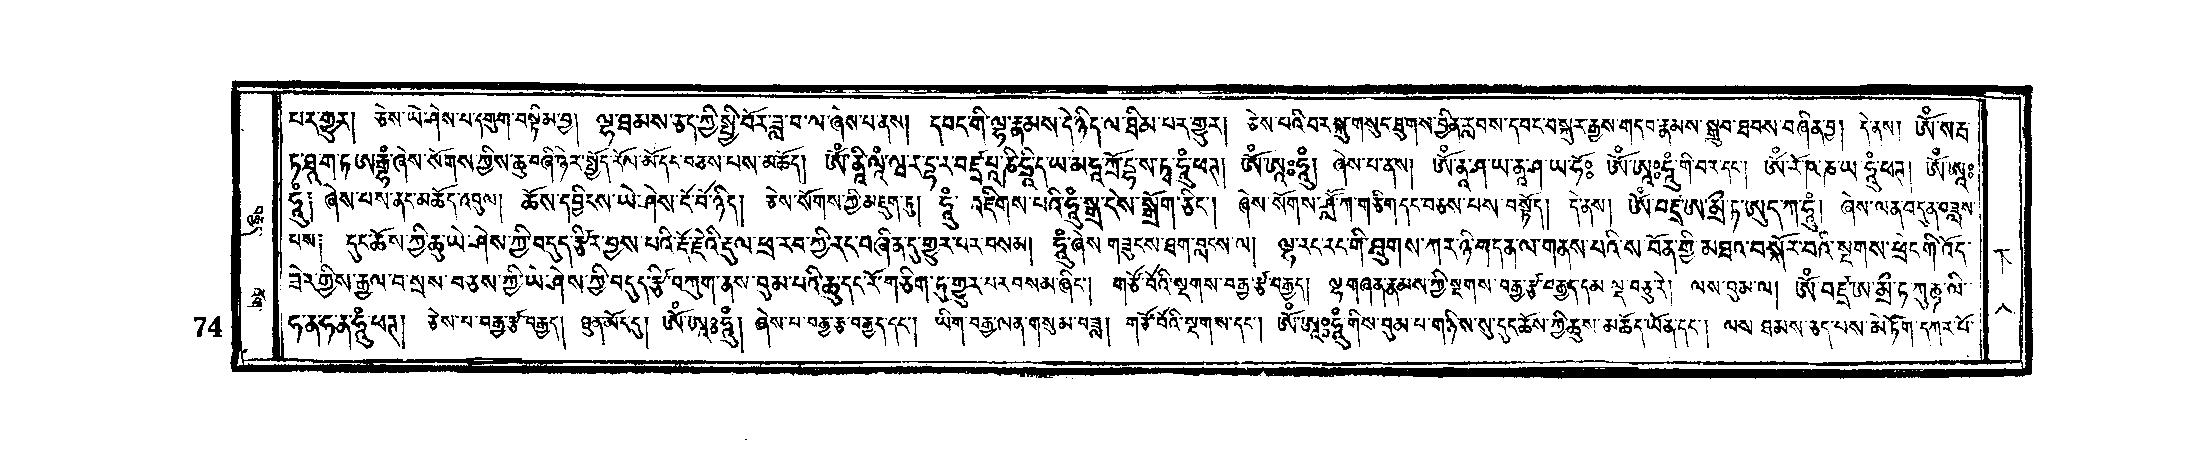པར་གྱུར། ཅེས་ཡེ་ཤེས་པ་དགུག་བསྟིམ་བྱ། ལྷ་ཐམས་ཅད་ཀྱི་སྤྱི་བོར་ཟླ་བ་ལ་ཞེས་པ་ནས། དབང་གི་ལྷ་རྣམས་དེ་ཉིད་ལ་ཐིམ་པར་གྱུར། ཅེས་པའི་བར་སྐུ་གསུང་ཐུགས་བྱིན་རླབས་དབང་བསྐུར་རྒྱས་གདབ་རྣམས་སྒྲུབ་ཐབས་བཞིན་བྱ། དེ་ནས། ཨོཾ་སརྦ་
ཏ་ཐཱ་ག་ཏ་ཨརྒྷཾ་ཞེས་སོགས་ཀྱིས་ཆུ་བཞི་ཉེར་སྤྱོད་རོལ་མོ་དང་བཅས་པས་མཆོད། ཨོཾ་ནཱི་ལཱཾ་ཝ་ར་དྷ་ར་བཛྲ་པཱ་ཎི་ཧྲཱི་ད་ཡ་མཧཱ་ཀྲོ་དྷ་ས་ཏྭ་ཧཱུཾ་ཕཊ། ཨོཾ་ཨཱཿ ཧཱུཾ། ཞེས་པ་ནས། ཨོཾ་ནཱ་ཤ་ཡ་ནཱ་ཤ་ཡ་ཧོཿ ཨོཾ་ཨཱཿ ཧཱུཾ་གི་བར་དང་། ཨོཾ་རོ་ཥ་ཎ་ཡ་ཧཱུཾ་ཕཊ། ཨོཾ་ཨཱཿ
ཧཱུཾ། ཞེས་པས་ནང་མཆོད་འབུལ། ཆོས་དབྱིངས་ཡེ་ཤེས་ངོ་བོ་ཉིད། ཅེས་སོགས་ཀྱི་མཇུག་ཏུ། ཧཱུཾ་འཇིགས་པའི་ཧཱུཾ་སྒྲ་ངེས་སྒྲོག་ཅིང་། ཞེས་སོགས་ཤླཽ་ཀ་གཅིག་དང་བཅས་པས་བསྟོད། དེ་ནས། ཨོཾ་བཛྲ་ཨ་མྲྀ་ཏ་ཨུད་ཀ་ཧཱུཾ། ཞེས་ལན་བདུན་བཟླས་
པས། དུང་ཆོས་ཀྱི་ཆུ་ཡེ་ཤེས་ཀྱི་བདུད་རྩིར་བྱས་པའི་རྡོ་རྗེའི་རྡུལ་ཕྲ་རབ་ཀྱི་རང་བཞིན་དུ་གྱུར་པར་བསམ། ཧཱུཾ་ཞེས་གཟུངས་ཐག་བླངས་ལ། ལྷ་རང་རང་གི་ཐུགས་ཀར་ཉི་གདན་ལ་གནས་པའི་ས་བོན་གྱི་མཐའ་བསྐོར་བའི་སྔགས་ཕྲེང་གི་འོད་
ཟེར་གྱིས་རྒྱལ་བ་སྲས་བཅས་ཀྱི་ཡེ་ཤེས་ཀྱི་བདུད་རྩི་བཀུག་ནས་བུམ་པའི་ཆུ་དང་རོ་གཅིག་ཏུ་གྱུར་པར་བསམ་ཞིང་། གཙོ་བོའི་སྔགས་བརྒྱ་རྩ་བརྒྱད། ལྷ་གཞན་རྣམས་ཀྱི་སྔགས་བརྒྱ་རྩ་བརྒྱད་དམ་ལྔ་བཅུ་རེ། ལས་བུམ་ལ། ཨོཾ་བཛྲ་ཨ་མྲྀ་ཏ་ཀུཎྜ་ལི་
ཧ་ན་ཧ་ན་ཧཱུཾ་ཕཊ། ཅེས་པ་བརྒྱ་རྩ་བརྒྱད། ཐུན་མོང་དུ། ཨོཾ་ཨཱཿ ཧཱུཾ། ཞེས་པ་བརྒྱ་རྩ་བརྒྱད་དང་། ཡིག་བརྒྱ་ལན་གསུམ་བཟླ། གཙོ་བོའི་སྔགས་དང་། ཨོཾ་ཨཱཿ ཧཱུཾ་གིས་བུམ་པ་གཉིས་སུ་དུང་ཆོས་ཀྱི་ཆུས་མཆོད་ཡོན་དང་། ལས་ཐམས་ཅད་པས་མེ་ཏོག་དཀར་པོ་